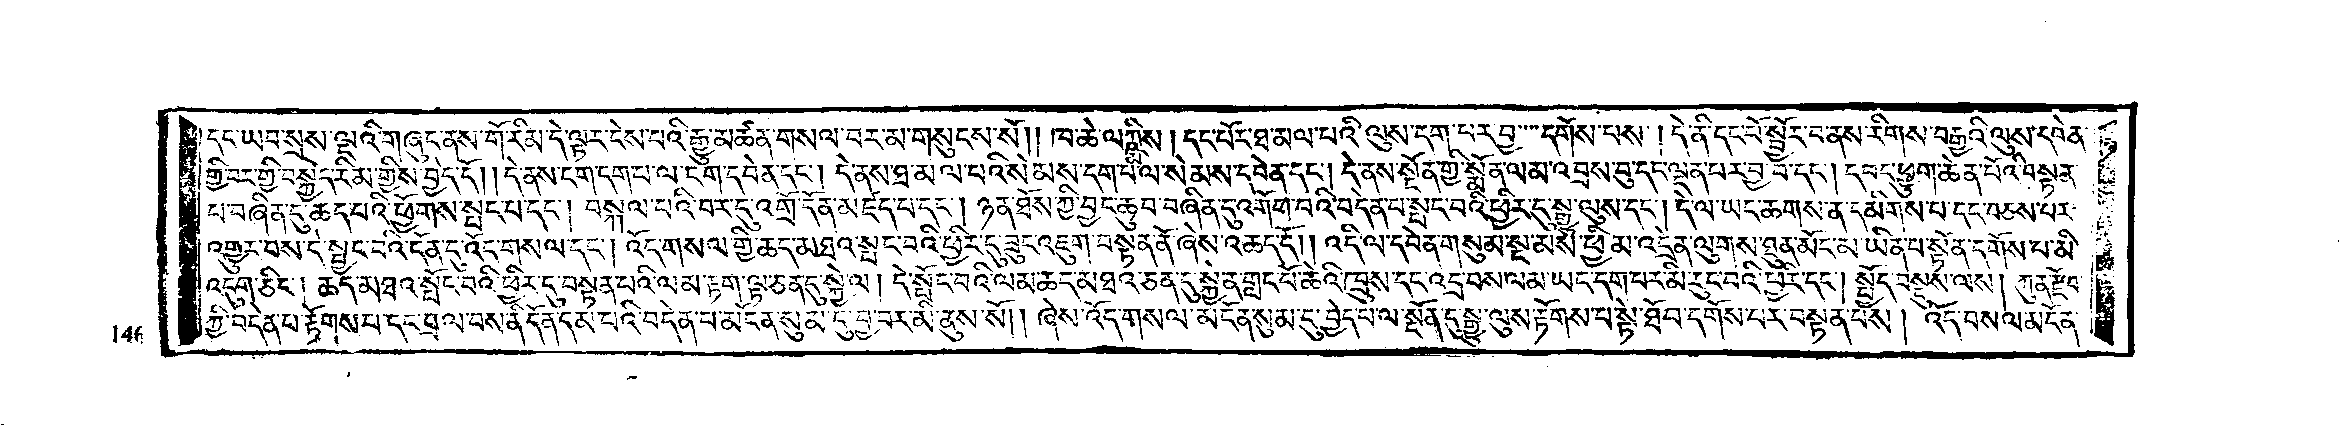དང་ཡབ་སྲས་ལྔའི་གཞུང་ནས་གོ་རིམ་དེ་ལྟར་ངེས་པའི་རྒྱུ་མཚན་གསལ་བར་མ་གསུངས་སོ། །ཁ་ཆེ་ལཀྵྨིས། དང་པོར་ཐ་མལ་པའི་ལུས་དག་པར་བྱ་དགོས་པས། དེ་ནི་དང་པོ་སྦྱོར་བ་ནས་རིགས་བརྒྱའི་ལུས་དབེན་
གྱི་བར་གྱི་བསྐྱེད་རིམ་གྱིས་བྱེད་དོ། །དེ་ནས་ངག་དག་པ་ལ་ངག་དབེན་དང་། དེ་ནས་ཐ་མལ་བའི་སེམས་དག་པ་ལ་སེམས་དབེན་དང་། དེ་ནས་སྔོན་གྱི་སྨོན་ལམ་འབྲས་བུ་དང་ལྡན་པར་བྱ་བ་དང་། དབང་ཕྱུག་ཆེན་པོའི་བསྟན་
པ་བཞིན་དུ་ཆད་པའི་ཕྱོགས་སྤང་པ་དང་། བསྐལ་པའི་བར་དུ་འགྲོ་དོན་མཛད་པ་དང་། ཉན་ཐོས་ཀྱི་བྱང་ཆུབ་བཞིན་དུ་འགོག་པའི་བདེན་པ་སྤང་བའི་ཕྱིར་དུ་སྒྱུ་ལུས་དང་། དེ་ལ་ཡང་ཆགས་ན་དམིགས་པ་དང་བཅས་པར་
འགྱུར་བས་དེ་སྦྱང་བའི་དོན་དུ་འོད་གསལ་དང་། འོད་གསལ་གྱི་ཆད་མཐའ་སྤང་བའི་ཕྱིར་དུ་ཟུང་འཇུག་བསྟན་ནོ་ཞེས་འཆད་དོ། །འདི་ལ་དབེན་གསུམ་སྔ་མས་ཕྱི་མ་འདྲེན་ལུགས་ཐུན་མོང་མ་ཡིན་པ་སྟོན་དགོས་པ་མི་
འདུག་ཅིང་། ཆད་མཐའ་སྤོང་བའི་ཕྱིར་དུ་བསྟན་པའི་ལམ་རྟག་ལྟ་ཅན་དུ་སྐྱེ་ལ། དེ་སྤོང་བའི་ལམ་ཆད་མཐའ་ཅན་དུ་སྐྱེ་ན་གླང་པོ་ཆེའི་ཁྲུས་དང་འདྲ་བས་ལམ་ཡང་དག་པར་མི་རུང་བའི་ཕྱིར་དང་། སྤྱོད་བསྡུས་ལས། ཀུན་རྫོབ་
ཀྱི་བདེན་པ་རྟོགས་པ་དང་བྲལ་བས་ནི་དོན་དམ་པའི་བདེན་པ་མངོན་སུམ་དུ་བྱ་བར་མི་ནུས་སོ། །ཞེས་འོད་གསལ་མངོན་སུམ་དུ་བྱེད་པ་ལ་སྔོན་དུ་སྒྱུ་ལུས་རྟོགས་པ་སྟེ་ཐོབ་དགོས་པར་བསྟན་པས། འོད་བསལ་མངོན་